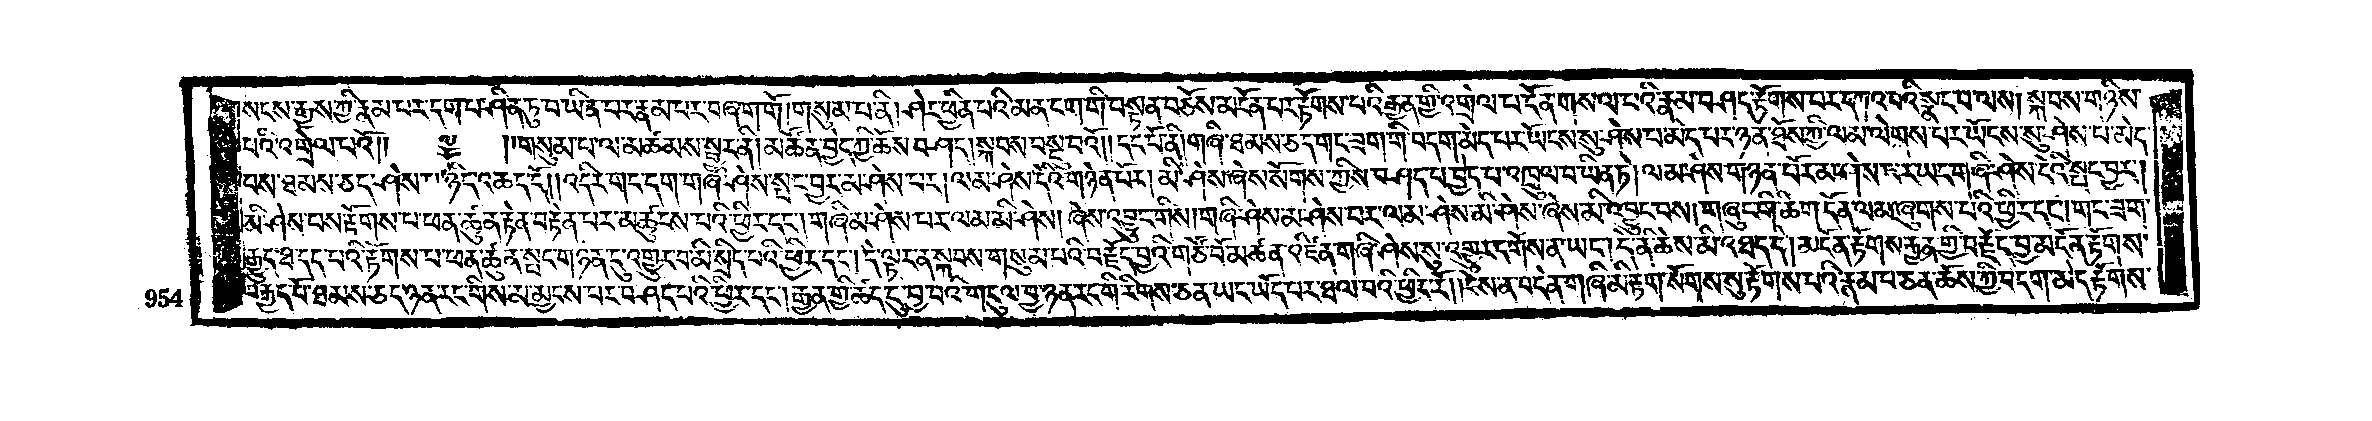སངས་རྒྱས་ཀྱི་རྣམ་པར་དག་པ་ཤིན་ཏུ་བ་ཡིན་པར་རྣམ་པར་བཞག་གོ །གསུམ་པ་ནི། ཤེར་ཕྱིན་པའི་མན་ངག་གི་བསྟན་བཅོས་མངོན་པར་རྟོགས་པའི་རྒྱན་གྱི་འགྲེལ་བ་དོན་གསལ་བའི་རྣམ་བཤད་རྟོགས་པར་དཀའ་བའི་སྣང་བ་ལས། སྐབས་གཉིས་
པའི་འགྲེལ་པའོ།། ༈ །།གསུམ་པ་ལ་མཚམས་སྦྱར་ནི། མཚོན་བྱེད་ཀྱི་ཆོས་བཤད། སྐབས་བསྡུ་བའོ། །དང་པོ་ནི། གཞི་ཐམས་ཅད་གང་ཟག་གི་བདག་མེད་པར་ཡོངས་སུ་ཤེས་པ་མེད་པར་ཉན་ཐོས་ཀྱི་ལམ་ལེགས་པར་ཡོངས་སུ་ཤེས་པ་མེད་
པས་ཐམས་ཅད་ཤེས་པ་ཉིད་འཆད་དོ། །འདིར་གང་དག་གཞི་ཤེས་སྤང་བྱར་མ་ཤེས་པར། ལམ་ཤེས་དེའི་གཉེན་པོར། མི་ཤེས་ཞེས་སོགས་ཀྱིས་བཤད་པ་བྱེད་པ་འཁྲུལ་བ་ཡིན་ཏེ། ལམ་ཤེས་གཉེན་པོར་མ་ཤེས་པར་ཡང་གཞི་ཤེས་དེའི་སྤང་བྱར།
མི་ཤེས་པས་རྟོགས་པ་ཕན་ཚུན་རྟེན་བརྟེན་པར་མཚུངས་པའི་ཕྱིར་དང་། གཞི་མ་ཤེས་པར་ལམ་མི་ཤེས། ཞེས་འབྱུང་གིས། གཞི་ཤེས་མ་ཤེས་པར་ལམ་ཤེས་མི་ཤེས་ཞེས་མི་འབྱུང་བས། གཞུང་གི་ཚིག་དོན་ལམ་ཞུགས་པའི་ཕྱིར་དང་། གང་ཟག་
རྒྱུད་ཐ་དད་པའི་རྟོགས་པ་ཕན་ཚུན་སྤང་གཉེན་དུ་འགུར་བ་མི་སྲིད་པའི་ཕྱིར་དང་། དེ་ལྟར་ན་སྐབས་གསུམ་པའི་བརྗོད་བྱའི་གཙོ་བོ་མཚན་འཛིན་གཞི་ཤེས་སུ་འགྱུར་དགོས་ན་ཡང་། དེ་ནི་ཆེས་མི་འཐད་དེ། མངོན་རྟོགས་རྒྱན་གྱི་བརྗོད་བྱ་མངོན་རྟོགས་
བརྒྱད་པོ་ཐམས་ཅད་ཉན་རང་གིས་མ་མྱངས་པར་བཤད་པའི་ཕྱིར་དང་། རྒྱན་གྱི་ཆེད་དུ་བྱ་བའི་གདུལ་བྱ་ཉན་རང་གི་རིགས་ཅན་ཡང་ཡོད་པར་ཐལ་བའི་ཕྱིར་རོ། །དེས་ན་བདེན་གཞི་མི་རྟག་སོགས་སུ་རྟོགས་པའི་རྣམ་པ་ཅན་ཆོས་ཀྱི་བདག་མེད་རྟོགས་